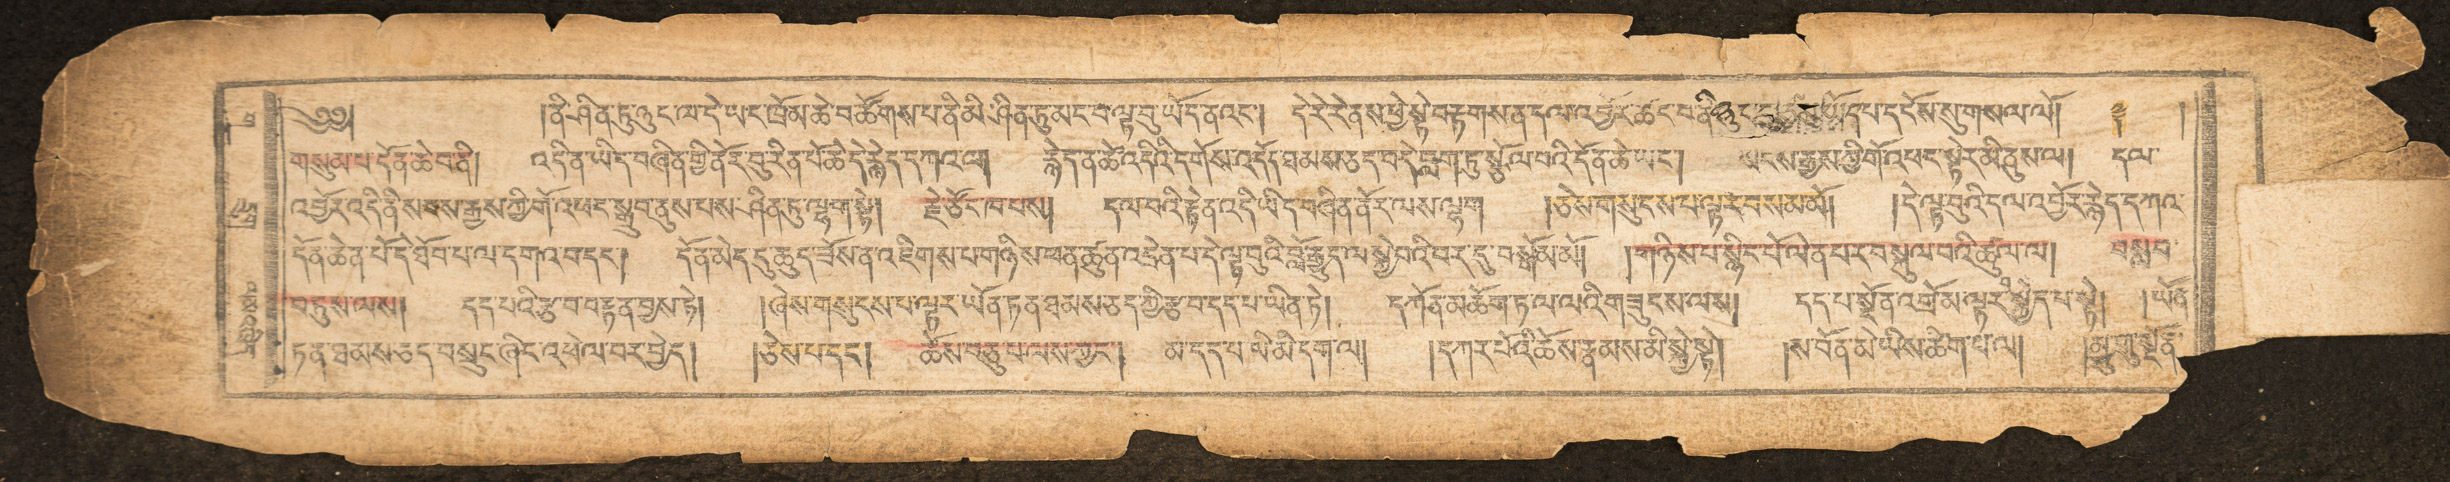༄༅། །ནི་ཤིན་ཏུ་ཉུང་ལ་དེ་ཡང་ཁྲོམ་ཆེད་ཚོགས་པ་ནི་མི་ཤིན་ཏུ་མང་པ་ལྟ་བུ་ཡོད་ནའང་། དེ་རེ་རེ་ནས་ཕྱེ་སྟེ་བརྟགས་ན་དལ་འབྱོར་ཚང་པ་ནི་ཉུང་དུ་ཙམ་ཡོད་པ་དངོས་སུ་གསལ་ལོ། ༈ །
གསུམ་པ་དོན་ཆེ་བ་ནི། འདི་ན་ཡིད་བཞིན་གྱི་ནོར་བུ་རིན་པོ་ཆེ་དེ་རྙེད་དཀའ་ལ། རྙེད་ན་ཚེ་འདིའི་དགོས་འདོད་ཐམས་ཅད་བདེ་བླག་ཏུ་སྩོལ་བའི་དོན་ཆེ་ཡང་། སངས་རྒྱས་ཀྱི་གོ་འཕང་སྟེར་མི་ནུས་ལ། ངལ་
འབྱོར་འདི་ནི་སངས་རྒྱས་ཀྱི་གོ་འཕང་སྒྲུབ་ནུས་པས་ཤིན་ཏུ་ལྷག་སྟེ། རྗེ་ཙོང་ཁ་པས། དལ་བའི་རྟེན་འདི་ཡིད་བཞིན་ནོར་ལས་ལྷག །ཅེས་གསུངས་པ་ལྟར་བསམ་མོ། །དེ་ལྟ་བུའི་དལ་འབྱོར་རྙེད་དཀའ་
དོན་ཆེན་པོ་དེ་ཐོབ་པ་ལ་དགའ་བ་དང་། དོན་མེད་དུ་ཆུད་ཟོས་ན་འཇིགས་པ་གཉིས་ཕན་ཚུན་འདྲེན་པ་དེ་ལྟ་བུའི་བློ་རྒྱུད་ལ་སྐྱེ་བའི་བར་དུ་བསྒོམ་མོ། །གཉིས་པ་སྙིང་པོ་ལེན་པར་བསྐུལ་བའི་ཚུལ་ལ། བསླབ་
བཏུས་ལས། དད་པའི་རྩ་བ་བརྟན་བྱས་ཏེ། །ཞེས་གསུངས་པ་ལྟར་ཡོན་ཏན་ཐམས་ཅད་ཀྱི་རྩ་བ་དད་པ་ཡིན་ཏེ། དཀོན་མཆོག་ཏ་ལ་ལའི་གཟུངས་ལས། དད་པ་སྔོན་འགྲོ་མ་ལྟར་སྐྱེད་པ་སྟེ། །ཡོན་
ཏན་ཐམས་ཅད་བསྲུང་ཞིང་འཕེལ་བར་བྱེད། །ཅེས་པ་དང་། ཆོས་བཅུ་པ་ལས་ཀྱང་། མ་དད་པ་ཡི་མི་དག་ལ། །དཀར་པོའི་ཆོས་རྣམས་མི་སྐྱེ་སྟེ། །ས་བོན་མེ་ཡིས་ཚིག་པ་ལ། །མྱུ་གུ་སྔོན་